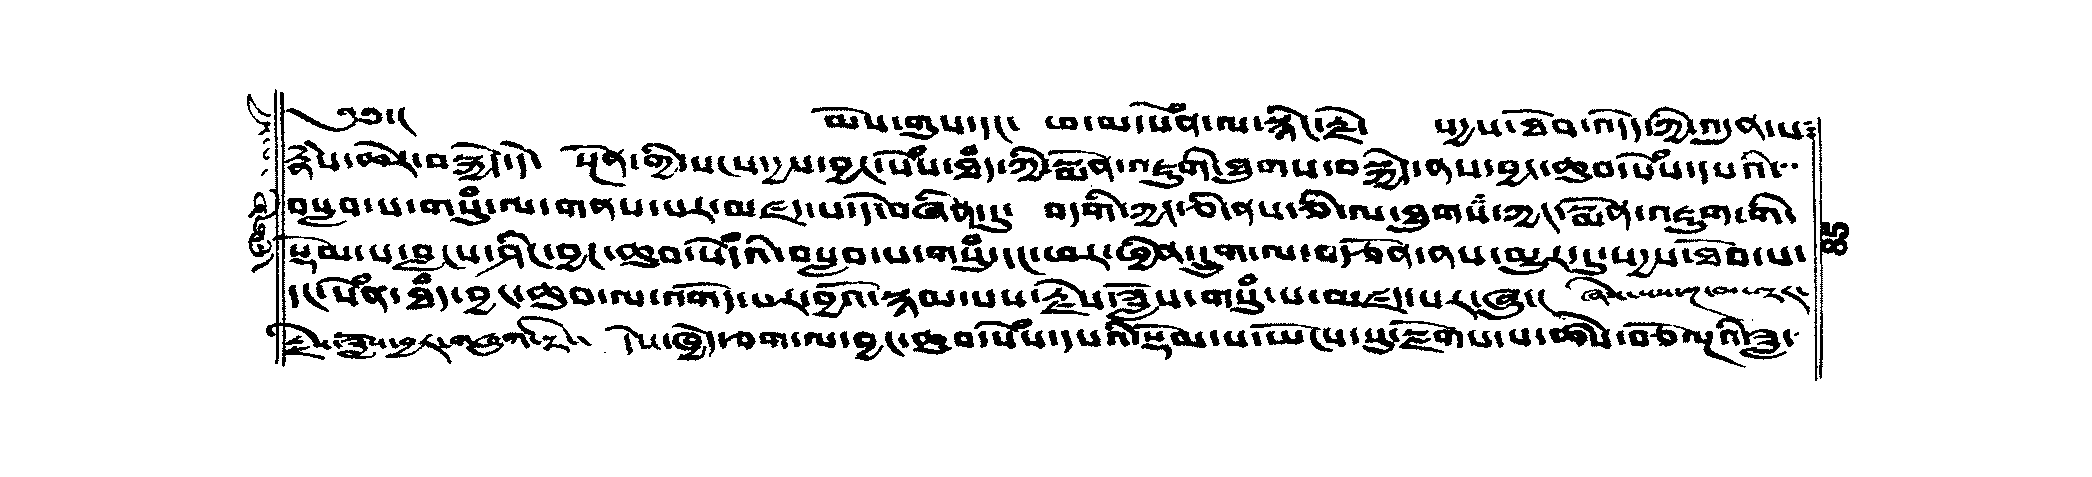མོས་གུས་དང་། ཕ་མ་སེམས་ཅན་ལ་སྙིང་རྗེ། སངས་རྒྱས་ཐོབ་འདོད་ཀྱི་འདུན་པ་
རྣམས་ཆེར་བསྐྱེད་དེ། སྔོན་གྱི་སངས་རྒྱས་བྱང་སེམས་ཐམས་ཅད་ཀྱི་སྨོན་འཇུག་གི་ཐུགས་བསྐྱེད་ནས་བྱང་ཆུབ་སེམས་དཔའི་
བསླབ་པ་གསུམ་ལ་གནས་པར་མཛད་པ་དེ་བཞིན་དུ། བདག་གི་ཀྱང་ཅི་ནས་ཅི་ལ་ཐུག་ཀྱང་སྨོན་འཇུག་གི་
སྡོམ་པ་བླངས་ཤིང་བྱང་ཆུབ་སེམས་དཔའི་བསླབ་པ་གསུམ་དང་ཕར་ཕྱིན་དྲུག་ལ་བརྩོན་ནས་མྱུར་དུ་སངས་རྒྱས་ཐོབ་པ་
དང་སེམས་ཅན་ཐམས་ཅད་བྱང་ཆུབ་ལ་འགོད་པར་བྱའོ་སྙམ་པས་རྗེས་ཟློས་གསུམ་པ་མཛད་པ་ཞུ། ཞེས་པས་སྔ་མ་ལྟར་
རྗེས་ཟློས་བྱར་གཞུག་སྟེ། དེས་ཁྱེད་ཅག་ལ་བྱང་ཆུབ་སེམས་དཔའི་སྡོམ་པ་ཡོངས་སུ་རྫོགས་པ་ཚེས་བཅོ་ལྔའི་ཟླ་